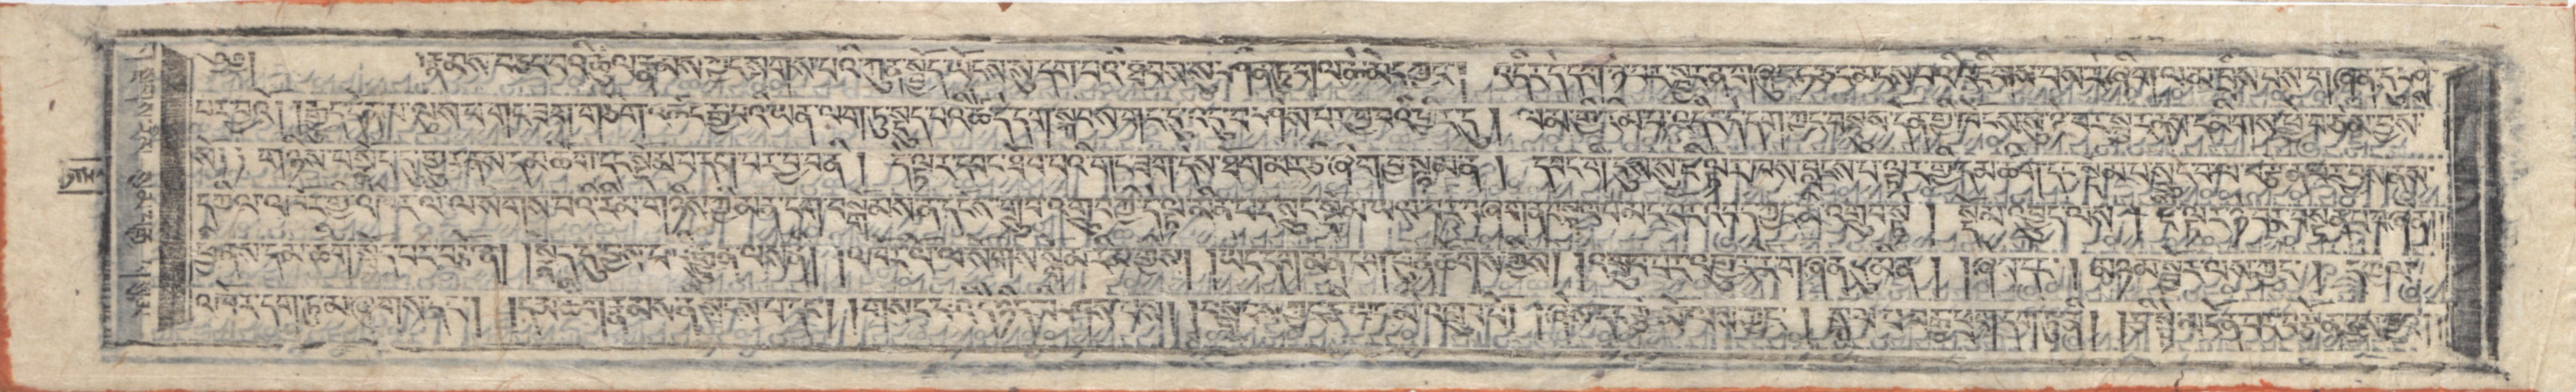༄༅། །རྣམས་བཅད་པའི་ཚུལ་རྣམས་ཀྱང་སྔགས་པའི་ཀུན་སྤྱོད་ཡོངས་སུ་དག་པའི་ཐབས་སུ་ཤིན་ཏུ་གལ་ཆེ་མེད་ཀྱང་། འདིར་དེ་དག་ཉེ་བར་སྦྱར་ན་གཞུང་ཧ་ཅང་མངས་པའི་འཇིགས་པས་རེ་ཞིག་ལ་མ་བྲིས་པས་གཞན་དུ་ཤེས་
པར་བྱའོ། །རྒྱུད་དོན་མ་ལུས་པ་གང་ཟག་གཅིག་འཚང་རྒྱ་བའི་ཡན་ལག་ཏུ་སྡུད་པའི་ཚེ་དེ་དག་སྐབས་གང་དུ་འདུ་བ་ཤེས་པར་བྱ་བའི་ཕྱིར་དུ། ལམ་གྱི་རིམ་པ་འདིར་དེ་དག་ཀྱང་བསྡུས་དོན་གྱི་ཁོངས་སུ་ཉེ་བར་སྦྱར་ནས་དམིགས་ཕྱེ་བ་ཙམ་བྱས་
སོ༑ ༑གཉིས་པ་སྣོད་དུ་གྱུར་ནས་དམ་ཚིག་དང་སྡོམ་པ་དག་པར་བྱ་བ་ནི། དེ་ལྟར་དབང་ཐོབ་པའི་གང་ཟག་དེས་ཐོག་མར་ཅི་ཞིག་བྱ་སྙམ་ན། དབང་གི་དུས་སུ་ཇི་ལྟར་ཁས་བླངས་པ་ལྟར་གྱི་དམ་ཚིག་དང་སྡོམ་པ་སྲུང་བ་ལ་བརྩེན་པར་བྱས་ནས་
དཀྱིལ་འཁོར་གྱི་འཁོར་ལོ་ལ་སོགས་པའི་རིམ་གཉིས་ཀྱི་མན་ངག་བསྒོམས་ན་དངོས་གྲུབ་འགྲུབ་ཀྱི་དེ་ལྟ་མིན་པར་སྲུང་སྡོམ་ཡལ་བར་བཞག་ན་བསྐལ་པ་མང་པོར་འབད་ཀྱང་མི་འགྲུབ་སྟེ། སྡོམ་འབྱུང་ལས། ཇི་ལྟར་ཉེ་བར་བསྟེན་པ་བཞིན།།
ཕྱི་ནས་དམ་ཚིག་སྤྱོད་པར་བརྩོན། །སྣོད་དུ་བྱས་པའི་རྒྱུན་ལས་ནི། །འཁོར་ལོ་ལ་སོགས་སྒོམ་རིམ་གྱིས། །ཡང་དག་མན་ངག་ཕུན་ཚོགས་ཀྱིས། །འགྲུབ་པར་འགྱུར་རོ་གཞན་དུ་མིན། །ཞེས་དང་། མཉམ་སྦྱོར་ལས་ཀྱང་། དཀྱིལ་
འཁོར་དག་ཏུ་མ་ཞུགས་དང་། །དམ་ཚིག་རྣམས་ནི་སྤངས་པ་དང་། །གསང་བའི་དེ་ཉིད་མི་ཤེས་པས། །བསྒྲུབས་ཀྱང་ཅི་ཡང་མི་འགྲུབ་བོ། །ཞེས་དང་རྩེ་མོ་ལས་ཀྱང་། སྐལ་པ་བརྒྱ་ཕྲག་དག་ཏུ་ནི། །ཅི་སྟེ་མངོན་པར་བརྩོན་བྱས་ཀྱང་། །